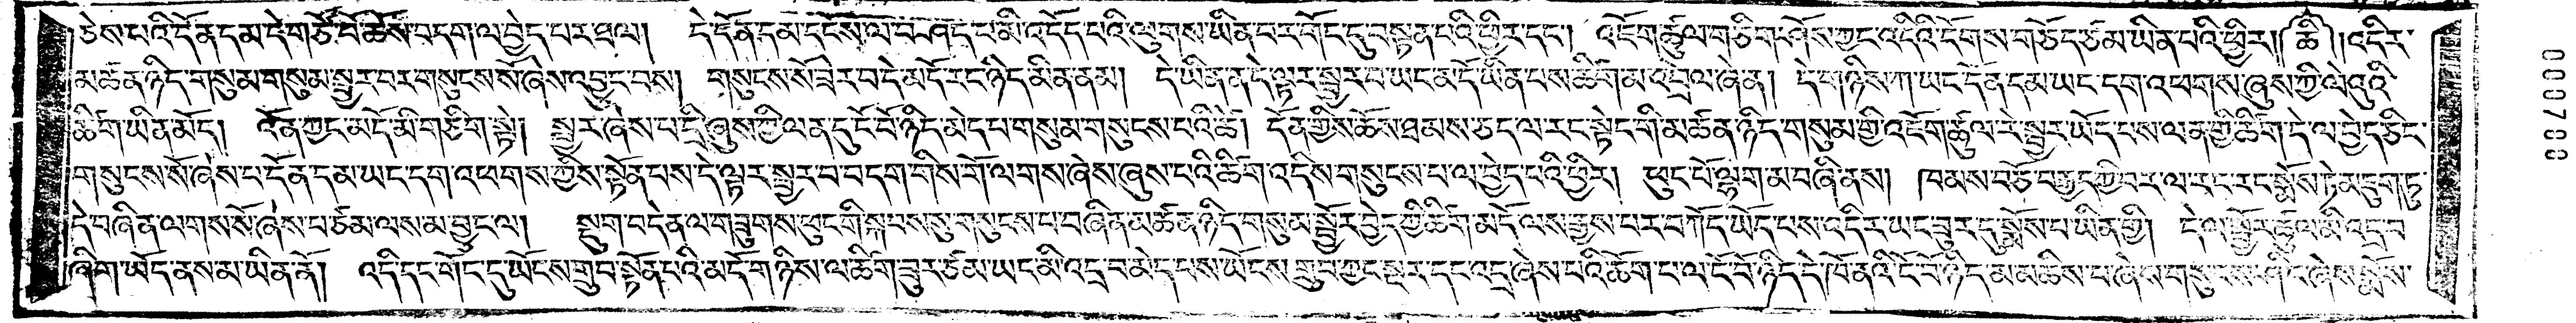ཅེས་པའི་དོན་དམ་དེ་གཙོ་བོ་ཆོས་བདག་ལ་བྱེད་པར་ཐལ། དེ་དོན་དམ་དངོས་ལ་བཤད་པ་མི་འདོད་པའི་ལུགས་ཡིན་པར་གོང་དུ་བསྟན་པའི་ཕྱིར་དང་། འཇོག་ཚུལ་གཅིག་ཤོས་ཀྱང་འདིའི་དོགས་གཅོད་ཙམ་ཡིན་པའི་ཕྱིར། ༼ཆི༽ །འདིར་
མཚན་ཉིད་གསུམ་གསུམ་སྦྱར་བར་གསུངས་སོ་ཞེས་འབྱུང་བས། གསུངས་སོ་ཟེར་བ་དེ་མདོ་རང་ཉིད་མིན་ནམ། དེ་ཡིན་ན་དེ་ལྟར་སྦྱར་བ་ཡང་མདོ་ཡིན་པས་ཚིག་མ་འབྲེལ་ཞེ་ན། དེ་གཉིས་ཀ་ཡང་དོན་དམ་ཡང་དག་འཕགས་ཞུས་ཀྱི་ལེའུའི་
ཚིག་ཡིན་མོད། འོན་ཀྱང་མདོ་མི་གཅིག་སྟེ། སྦྱར་ཞེས་པ་དྲི་ཞུས་ཀྱི་ལན་དུ་ངོ་བོ་ཉིད་མེད་པ་གསུམ་གསུངས་པའི་ཚེ། དོན་གྱིས་ཆོས་ཐམས་ཅད་ལ་རང་སྟེང་གི་མཚན་ཉིད་གསུམ་གྱི་འཇོག་ཚུལ་རེ་སྦྱར་ཡོད་པས་ལན་གྱི་ཚིག་དེ་ལ་བྱེད་ཅིང་
གསུངས་སོ་ཞེས་པ་དོན་དམ་ཡང་དག་འཕགས་ཀྱིས་སྟོན་པས་དེ་ལྟར་སྦྱར་བ་བདག་གིས་གོ་ལགས་ཞེས་ཞུས་པའི་ཚིག་འདིས་གསུངས་པ་ལ་བྱེད་པའི་ཕྱིར། ཕུང་པོ་ལྷག་མ་བཞི་ནས། ཁམས་བཅོ་བརྒྱད་ཀྱི་བར་ལ་རང་རང་སྨོས་ཏེ་མཇུག་ཏུ་
དེ་བཞིན་ལགས་སོ་ཞེས་པ་ཙམ་ལས་མ་བྱུང་ལ། སྡུག་བདེན་ལ་གཟུགས་ཕུང་གི་སྐབས་སུ་གསུངས་པ་བཞིན་མཚན་ཉིད་གསུམ་སྦྱོར་བྱེད་ཀྱི་ཚིག་མདོ་ལས་རྒྱས་པར་བཀོད་ཡོད་པས་འདིར་ཡང་ཟུར་དུ་སྨོས་པ་ཡིན་གྱི། དེ་ལ་སྦྱོར་ཚུལ་མི་འདྲ་བ་
ཞིག་ཡོད་ནས་མ་ཡིན་ནོ། འདི་དང་གོང་དུ་ཡོངས་གྲུབ་སྟོན་པའི་མདོ་གཉིས་ལ་ཚིག་ཟུར་ཙམ་ཡང་མི་འདྲ་བ་མེད་པས་ཡོངས་གྲུབ་ཀྱང་སྔར་དང་འདྲ་ཞེས་པའི་ཆོག་པ་ལ་ངོ་བོ་ཉིད་དེ་ཁོ་ནའི་ངོ་བོ་ཉིད་མ་མཆིས་པ་ཞེས་གསུངས་ཤིང་ཞེས་སྨོས་